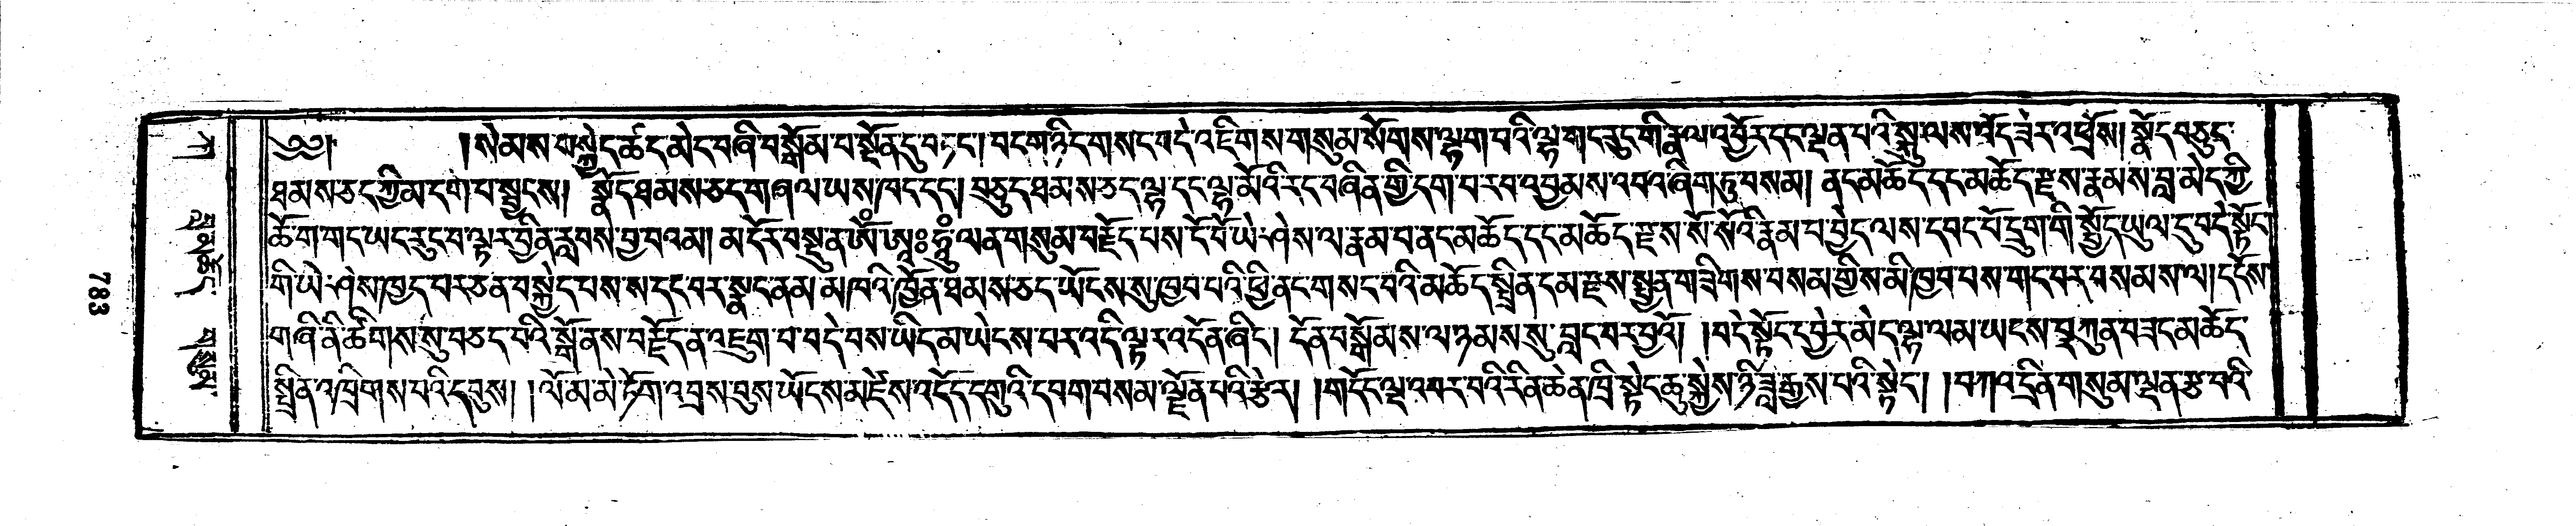༄༅། །སེམས་བསྐྱེད་ཚད་མེད་བཞི་བསྒོམ་པ་སྔོན་དུ་བཏང་། བདག་ཉིད་གསང་བདེ་འཇིགས་གསུམ་སོགས་ལྷག་པའི་ལྷ་གང་རུང་གི་རྣལ་འབྱོར་དང་ལྡན་པའི་སྐུ་ལས་འོད་ཟེར་འཕྲོས། སྣོད་བཅུད་
ཐམས་ཅད་ཀྱི་མ་དག་པ་སྦྱངས། སྣོད་ཐམས་ཅད་གཞལ་ཡས་ཁང་དང་། བཅུད་ཐམས་ཅད་ལྷ་དང་ལྷ་མོའི་རང་བཞིན་གྱི་དག་པ་རབ་འབྱམས་འབའ་ཞིག་ཏུ་བསམ། ནང་མཆོད་དང་མཆོད་རྫས་རྣམས་བླ་མེད་ཀྱི་
ཆོ་ག་གང་ཡང་རུང་བ་ལྟར་བྱིན་རླབས་བྱ་བའམ། མདོར་བསྡུ་ན་ཨོཾ་ཨཱཿ ཧཱུཾ་ལན་གསུམ་བརྗོད་པས་ངོ་བོ་ཡེ་ཤེས་ལ་རྣམ་པ་ནང་མཆོད་དང་མཆོད་རྫས་སོ་སོའི་རྣམ་པ་བྱེད་ལས་དབང་པོ་དྲུག་གི་སྤྱོད་ཡུལ་དུ་བདེ་སྟོང་
གི་ཡེ་ཤེས་ཁྱད་པར་ཅན་བསྐྱེད་པས་ས་དང་བར་སྣང་ནམ་མཁའི་ཁྱོན་ཐམས་ཅད་ཡོངས་སུ་ཁྱབ་པའི་ཕྱི་ནང་གསང་བའི་མཆོད་སྤྲིན་དམ་རྫས་སྤྱན་གཟིགས་བསམ་གྱིས་མི་ཁྱབ་པས་གང་བར་བསམས་ལ། དངོས་
གཞི་ནི་ཚིགས་སུ་བཅད་པའི་སྒོ་ནས་བརྗོད་ན་འཇུག་པ་བདེ་བས་ཡིད་མ་ཡེངས་པར་འདི་ལྟར་འདོན་ཞིང་། དོན་བསྒོམས་ལ་ཉམས་སུ་བླང་བར་བྱའོ། །བདེ་སྟོང་དབྱེར་མེད་ལྷ་ལམ་ཡངས་པར་ཀུན་བཟང་མཆོད་
སྤྲིན་འཁྲིགས་པའི་དབུས། །ལོ་མ་མེ་ཏོག་འབྲས་བུས་ཡོངས་མཛེས་འདོད་དགུའི་དཔག་བསམ་ལྗོན་པའི་རྩེར། །གདོང་ལྔ་འབར་བའི་རིན་ཆེན་ཁྲི་སྟེང་ཆུ་སྐྱེས་ཉི་ཟླ་རྒྱས་པའི་སྟེང་། །བཀའ་དྲིན་གསུམ་ལྡན་རྩ་བའི་